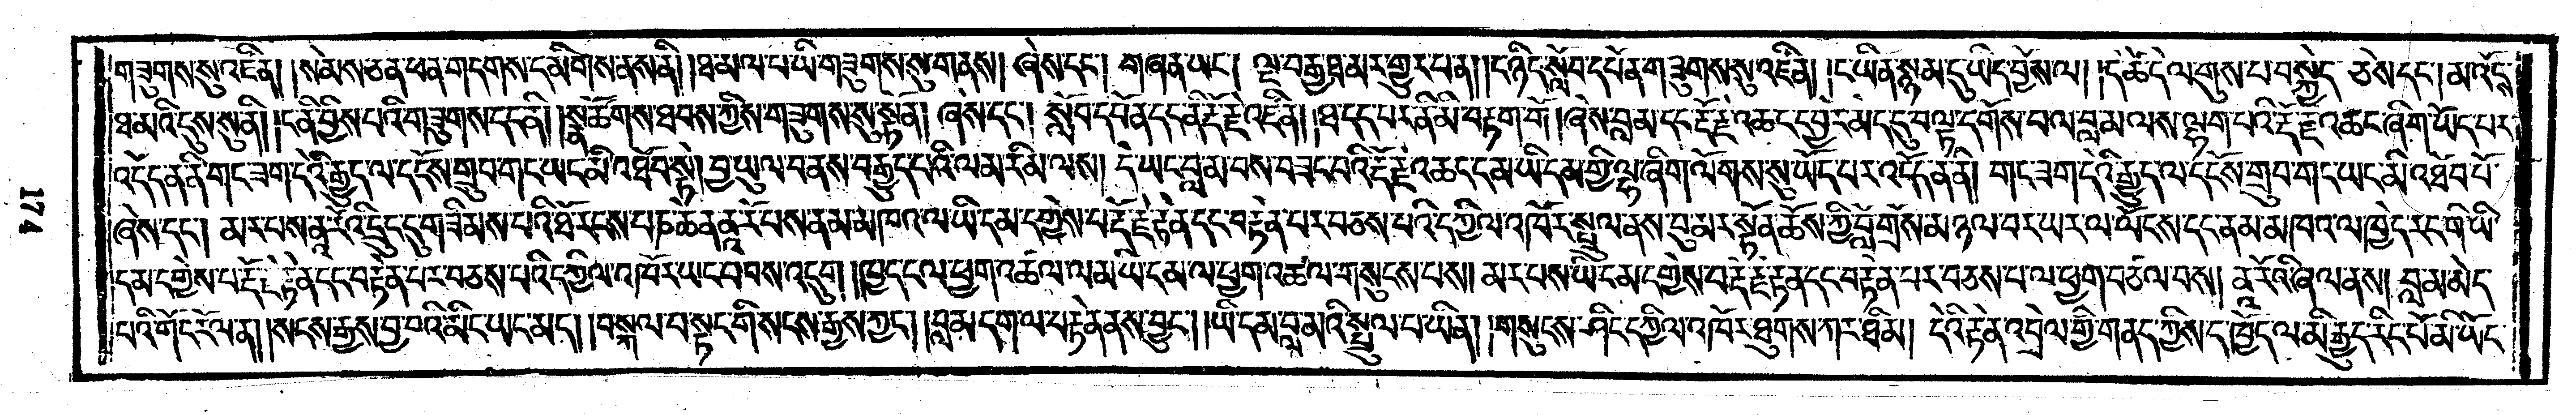གཟུགས་སུ་འཛིན། །སེམས་ཅན་ཕན་གདགས་དམིགས་ནས་ནི། །ཐ་མལ་པ་ཡི་གཟུགས་སུ་གནས། ཞེས་དང་། གཞན་ཡང་། ལྔ་བརྒྱ་ཐ་མར་གྱུར་པ་ན། །ང་ཉིད་སློབ་དཔོན་གཟུགས་སུ་འཛིན། །ང་ཡིན་སྙམ་དུ་ཡིད་བྱོས་ལ། །དེ་ཚེ་དེ་ལ་གུས་པ་བསྐྱེད་ཅེས་དང་། མ་འོངས་
ཐ་མའི་དུས་སུ་ནི། །ང་ནི་བྱིས་པའི་གཟུགས་དང་ནི། །སྣ་ཚོགས་ཐབས་ཀྱིས་གཟུགས་སུ་སྟོན། ཞེས་དང་། སློབ་དཔོན་དང་ནི་རྡོ་རྗེ་འཛིན། །ཐ་དད་པར་ནི་མི་བརྟག་གོ །ཞེས་བླ་མ་དང་རྡོ་རྗེ་འཆང་དབྱེར་མེད་དུ་བལྟ་དགོས་པ་ལ་བླ་མ་ལས་ལྷག་པའི་རྡོ་རྗེ་འཆང་ཞིག་ཡོད་པར་
འདོད་ན་ནི་གང་ཟག་དེའི་རྒྱུད་ལ་དངོས་གྲུབ་གང་ཡང་མི་འཐོབ་སྟེ། བྱ་ཡུལ་བ་ནས་བརྒྱུད་པའི་ལམ་རིམ་ལས། དེ་ཡང་བླ་མ་བས་བཟང་པའི་རྡོ་རྗེ་འཆང་དམ་ཡི་དམ་གྱི་ལྷ་ཞིག་ལོགས་སུ་ཡོད་པར་འདོད་ན་ནི། གང་ཟག་དེའི་རྒྱུད་ལ་དངོས་གྲུབ་གང་ཡང་མི་འཐོབ་པོ་
ཞེས་དང་། མར་པས་ནཱ་རོའི་དྲུང་དུ་གཟིམས་པའི་ཐོ་རངས་པཎ་ཆེན་ནཱ་རོ་པས་ནམ་མཁའ་ལ་ཡི་དམ་དགྱེས་པ་རྡོ་རྗེ་རྟེན་དང་བརྟེན་པར་བཅས་པའི་དཀྱིལ་འཁོར་སྤྲུལ་ནས་བུ་མར་སྟོན་ཆོས་ཀྱི་བློ་གྲོས་མཉལ་བར་ཡར་ལ་ལོངས་དང་ནམ་མཁའ་ལ་ཁྱེད་རང་གི་ཡི་
དམ་དགྱེས་པ་རྡོ་རྗེ་རྟེན་དང་བརྟེན་པར་བཅས་པའི་དཀྱིལ་འཁོར་ཡང་བབས་འདུག །ཁྱད་ངལ་ཕྱག་འཚལ་ལམ་ཡི་དམ་ལ་ཕྱག་འཚལ་གསུངས་པས། མར་པས་ཡི་དམ་དགྱེས་བ་རྡོ་རྗེ་རྟེན་དང་བརྟེན་པར་བཅས་པ་ལ་ཕྱག་བཙལ་བས། ནཱ་རོའི་ཞལ་ནས། བླ་མ་མེད་
པའི་གོང་རོལ་ན། །སངས་རྒྱས་བྱ་བའི་མིང་ཡང་མད། །བསྐལ་བ་སྟང་གི་སངས་རྒྱས་ཀྱང་། །བླ་མ་དག་ལ་བརྟེན་ནས་བྱུང་། །ཡི་དམ་བླ་མའི་སྦྲུལ་པ་ཡིན། །གསུངས་ཤིང་དཀྱིལ་འཁོར་ཐུགས་ཀར་ཐིམ། དེའི་རྟེན་འབྲེལ་གྱི་གནད་ཀྱིས་ད་ཁྱོད་ལ་མི་རྒྱུད་རིང་པོ་མི་ཡོང་